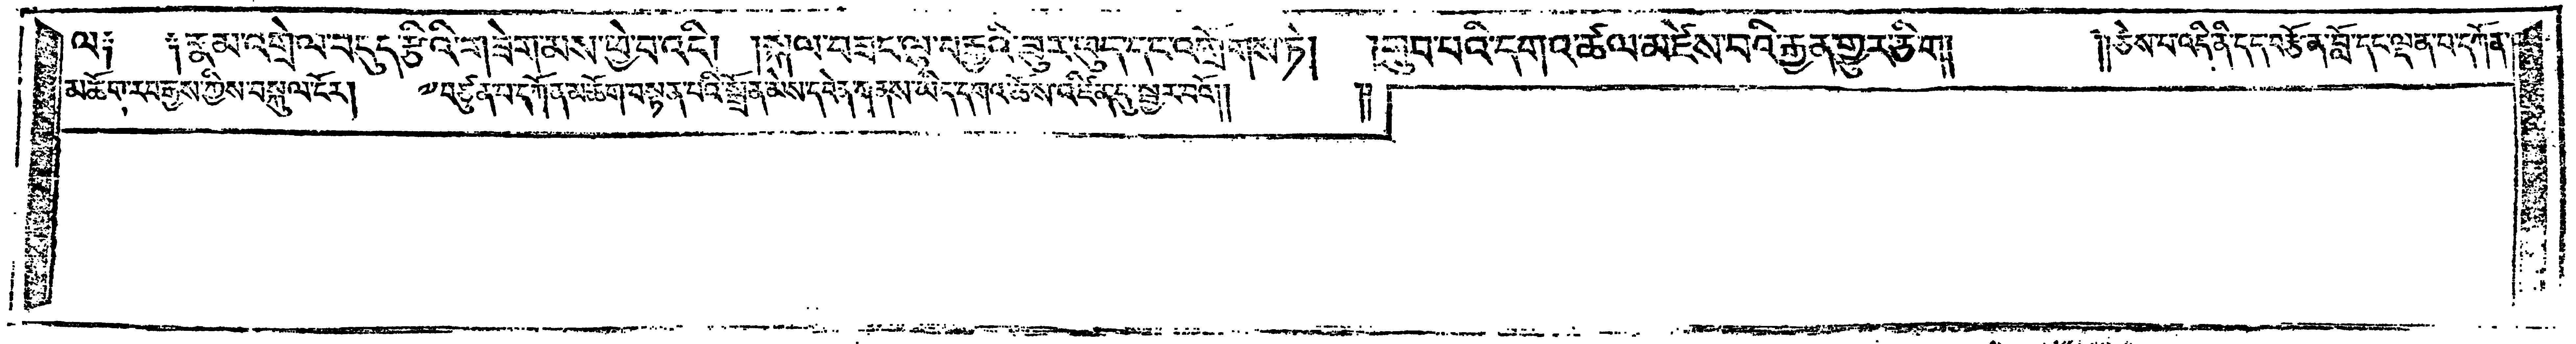ལ༑ ༑རྣམ་འགྲེལ་བདུད་རྩིའི་གཟེག་མས་ཕྱེ་བ་འདི། །སྐལ་བཟང་ལྷ་བརྒྱའི་ཟུར་ཕུད་དང་འགྲོགས་ཏེ། །གྲུབ་པའི་དགའ་ཚལ་མཛེས་པའི་རྒྱན་གྱུར་ཅིག། །།ཅེས་པ་འདི་ནི་དད་བརྩོན་བློ་དང་ལྡན་པ་དཀོན་
མཆོག་རབ་རྒྱས་ཀྱིས་བསྐུལ་ངོར། ༧བཙུན་པ་དཀོན་མཆོག་བསྟན་པའི་སྒྲོན་མེས་དབེན་གནས་ཡིད་དགའ་ཆོས་འཛིན་དུ་སྦྱར་བའོ།། །།